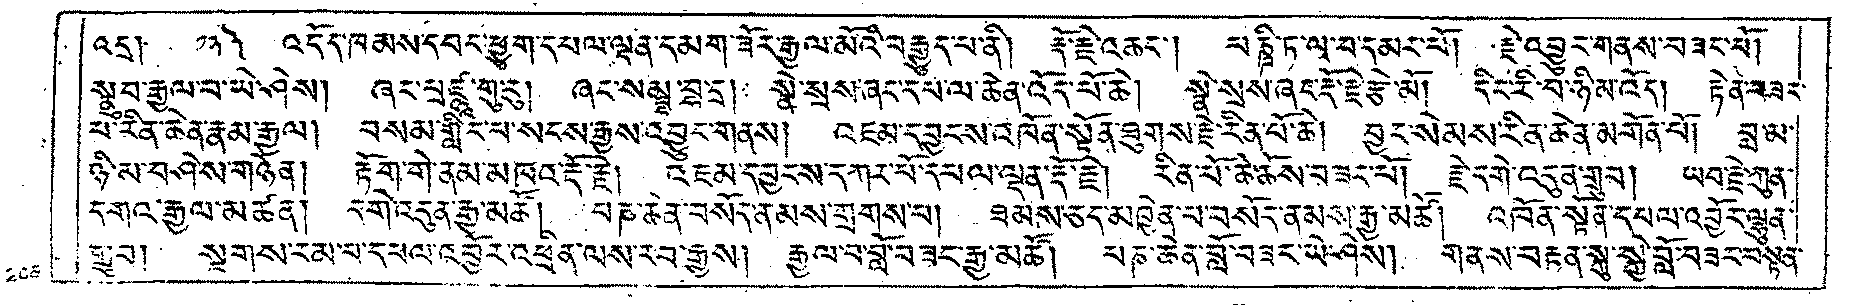འདྲ། ༡༢}་འདོད་ཁམས་དབང་ཕྱུག་དཔལ་ལྡན་དམག་ཟོར་རྒྱལ་མོའི་བརྒྱུད་པ་ནི། རྡོ་རྗེ་འཆང་། པཎྜི་ཏ་ལྭ་པ་དམར་པོ། རྗེ་འབྱུང་གནས་བཟང་པོ།
སྣུབ་རྒྱལ་བ་ཡེ་ཤེས། ཞང་པྲཛྙཱ་གུ་རུ། ཞང་སམྦྷ་བྷ་དྲ། སྣེ་སྲས་ཞང་དཔལ་ཆེན་འོད་པོ་ཆེ། སྣེ་སྲས་ཞང་རྡོ་རྗེ་རྩེ་མོ། དིང་རི་བ་ཉི་མ་འོད། རྟེན་བཟང་
པ་རིན་ཆེན་རྣམ་རྒྱལ། བསམ་གླིང་པ་སངས་རྒྱས་འབྱུང་གནས། འཇམ་དབྱངས་འཁོན་སྟོན་ཐུགས་རྗེ་རིན་པོ་ཆེ། བྱང་སེམས་རིན་ཆེན་མགོན་པོ། བླ་མ་
ཉི་མ་བཤེས་གཉེན། རྟོག་གེ་ནམ་མཁའ་རྡོ་རྗེ། འཇམ་དབྱངས་དཀར་པོ་དཔལ་ལྡན་རྡོ་རྗེ། རིན་པོ་ཆེ་ཆོས་བཟང་པོ། རྗེ་དགེ་འདུན་གྲུབ། ཡབ་རྗེ་ཀུན་
དགའ་རྒྱལ་མཚན། དགེ་འདུན་རྒྱ་མཚོ། པཎ་ཆེན་བསོད་ནམས་གྲགས་པ། ཐམས་ཅད་མཁྱེན་པ་བསོད་ནམས་རྒྱ་མཚོ། འཁོན་སྟོན་དཔལ་འབྱོར་ལྷུན་
གྲུབ། སྔགས་རམ་པ་དཔལ་འབྱོར་འཕྲིན་ལས་རབ་རྒྱས། རྒྱལ་བ་བློ་བཟང་རྒྱ་མཚོ། པཎ་ཆེན་བློ་བཟང་ཡེ་ཤེས། གནས་བརྟན་སྐུ་སྐྱེ་བློ་བཟང་བསྟན་